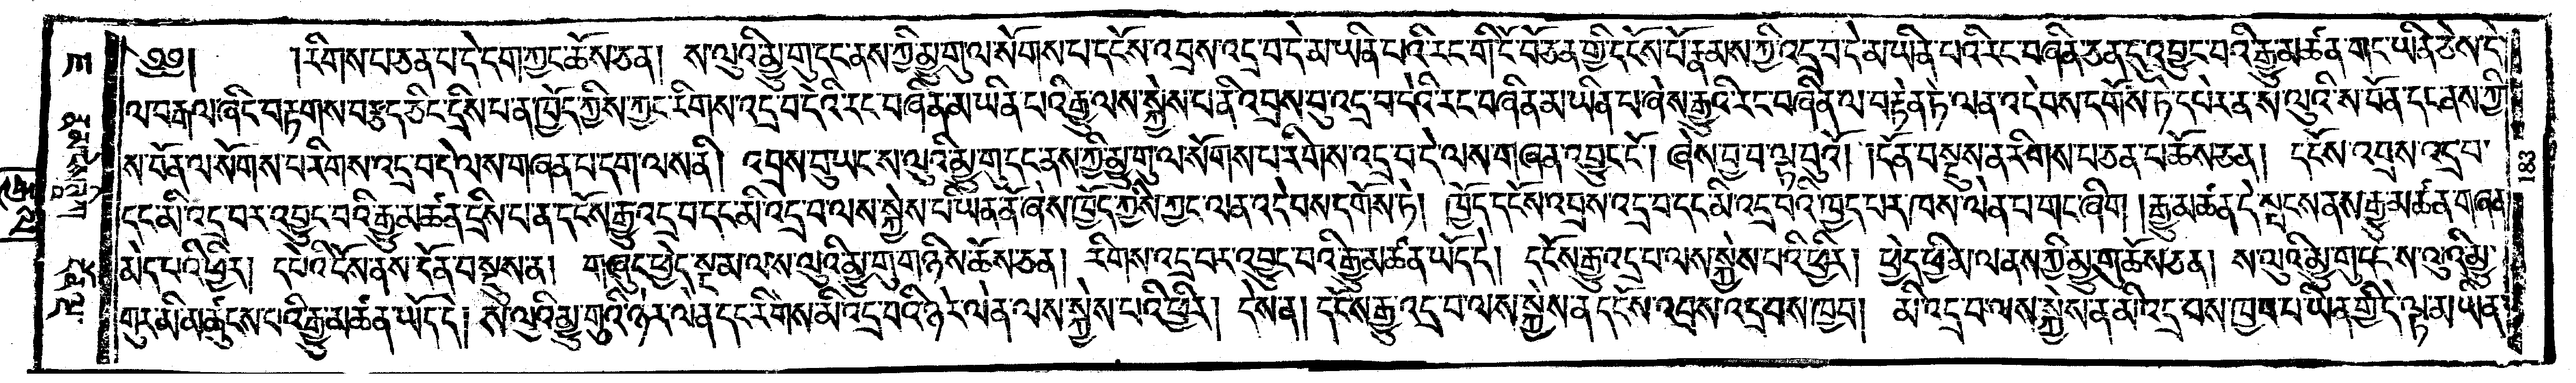༄༅། །རིགས་པ་ཅན་པ་དེ་དག་ཀྱང་ཆོས་ཅན། ས་ལུའི་མྱུ་གུ་དང་ནས་ཀྱི་མྱུ་གུ་ལ་སོགས་པ་དངོས་འབྲས་འདྲ་བ་དེ་མ་ཡིན་པའི་རང་གི་ངོ་བོ་ཅན་གྱི་དངོས་པོ་རྣམས་ཀྱི་འདྲ་བ་དེ་མ་ཡིན་པའི་རང་བཞིན་ཅན་དུ་འབྱུང་བའི་རྒྱུ་མཚན་གང་ཡིན་ཅེས་དེ་
ལ་བརྒལ་ཞིང་བརྟགས་བརྩད་ཅིང་དྲིས་པ་ན་ཁྱོད་ཀྱིས་ཀྱང་རིགས་འདྲ་བ་དེའི་རང་བཞིན་མ་ཡིན་པའི་རྒྱུ་ལས་སྐྱེས་པ་ནི་འབྲས་བུ་འདྲ་བ་དེའི་རང་བཞིན་མ་ཡིན་པ་ཞེས་རྒྱུའི་རང་བཞིན་ལ་བརྟེན་ཏེ་ལན་འདེབས་དགོས་ཏེ་དཔེར་ན་ས་ལུའི་ས་བོན་དང་ནས་ཀྱི་
ས་བོན་ལ་སོགས་པ་རིགས་འདྲ་བ་དེ་ལས་གཞན་པ་དག་ལས་ནི། འབྲས་བུ་ཡང་ས་ལུའི་མྱུ་གུ་དང་ནས་ཀྱི་མྱུ་གུ་ལ་སོགས་པ་རིགས་འདྲ་བ་དེ་ལས་གཞན་འབྱུང་ངོ། ཞེས་བྱ་བ་ལྟ་བུའོ། །དོན་བསྡུས་ན་རིགས་པ་ཅན་པ་ཆོས་ཅན། དངོས་འབྲས་འདྲ་བ་
དང་མི་འདྲ་བར་འབྱུང་བའི་རྒྱུ་མཚན་དྲིས་པ་ན་དངོས་རྒྱུ་འདྲ་བ་དང་མི་འདྲ་བ་ལས་སྐྱེས་པ་ཡིན་ནོ་ཞེས་ཁྱོད་ཀྱིས་ཀྱང་ལན་འདེབས་དགོས་ཏེ། ཁྱོད་དངོས་འབྲས་འདྲ་བ་དང་མི་འདྲ་བའི་ཁྱད་པར་ཁས་ལེན་པ་གང་ཞིག །རྒྱུ་མཚན་དེ་སྤངས་ནས་རྒྱུ་མཚན་གཞན་
མེད་པའི་ཕྱིར། དཔེའི་ངོས་ནས་དོན་བསྡུས་ན། གཞུང་ཕྱེད་སྔ་མ་ལ་ས་ལུའི་མྱུ་གུ་གཉིས་ཆོས་ཅན། རིགས་འདྲ་བར་འབྱུང་བའི་རྒྱུ་མཚན་ཡོད་དེ། དངོས་རྒྱུ་འདྲ་བ་ལས་སྐྱེས་པའི་ཕྱིར། ཕྱེད་ཕྱི་མ་ལ་ནས་ཀྱི་མྱུ་གུ་ཆོས་ཅན། ས་ལུའི་མྱུ་གུ་དང་ས་ལུའི་མྱུ་
གུར་མི་མཚུངས་པའི་རྒྱུ་མཚན་ཡོད་དེ། ས་ལུའི་མྱུ་གུའི་ཉེར་ལེན་དང་རིགས་མི་འདྲ་བའི་ཉེར་ལེན་ལས་སྐྱེས་པའི་ཕྱིར། དེས་ན། དངོས་རྒྱུ་འདྲ་བ་ལས་སྐྱེས་ན་དངོས་འབྲས་འདྲ་བས་ཁྱབ། མི་འདྲ་བ་ལས་སྐྱེས་ན་མི་འདྲ་བས་ཁྱབ་པ་ཡིན་གྱི་དེ་ལྟ་མ་ཡིན་